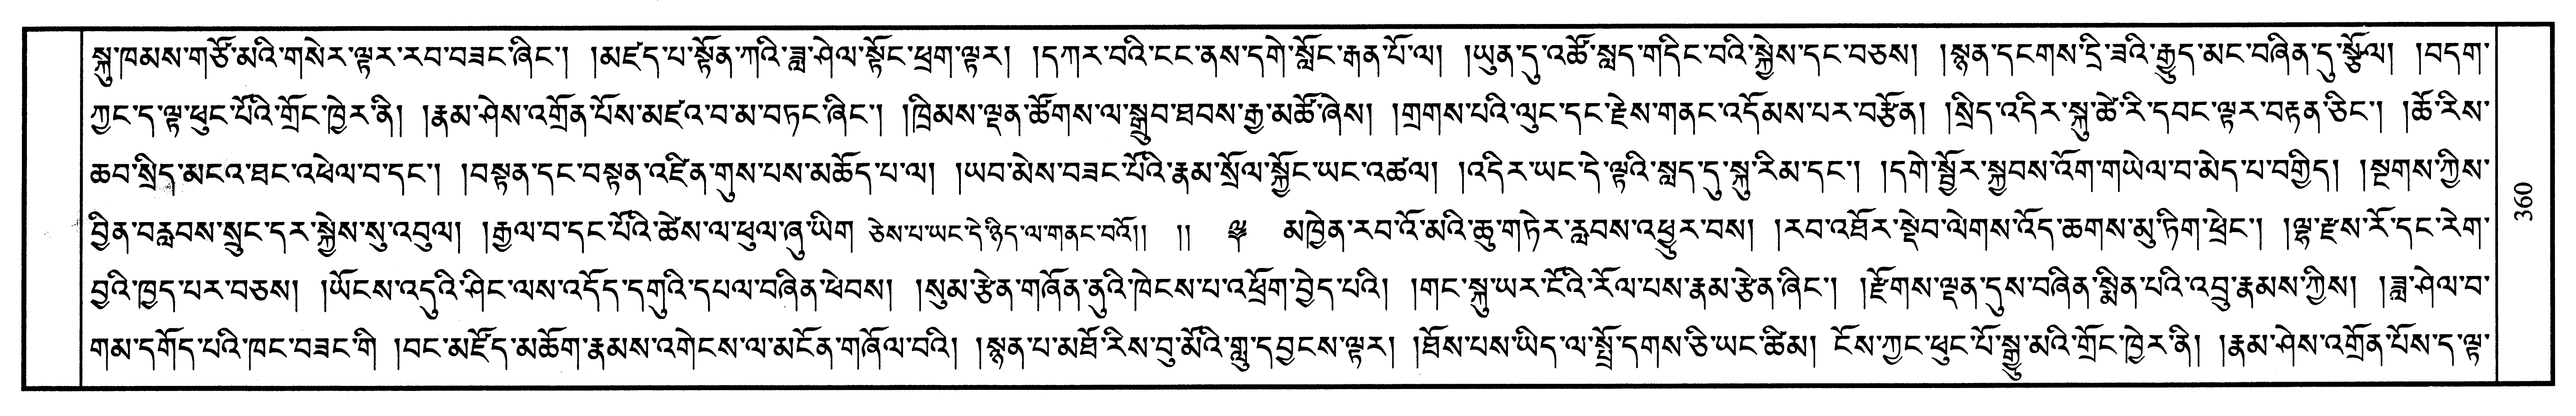སྐུ་ཁམས་གཙོ་མའི་གསེར་ལྟར་རབ་བཟང་ཞིང་། །མཛད་པ་སྟོན་ཀའི་ཟླ་ཤེལ་སྟོང་ཕྲག་ལྟར། །དཀར་བའི་ངང་ནས་དགེ་སློང་རྒན་པོ་ལ། །ཡུན་དུ་འཚོ་སླད་གདིང་བའི་སྐྱེས་དང་བཅས། །སྙན་དངགས་དྲི་ཟའི་རྒྱུད་མང་བཞིན་དུ་སྩོལ། །བདག་
ཀྱང་ད་ལྟ་ཕུང་པོའི་གྲོང་ཁྱེར་ནི། །རྣམ་ཤེས་འགྲོན་པོས་མཛའ་བ་མ་བཏང་ཞིང་། །ཁྲིམས་ལྡན་ཚོགས་ལ་སྒྲུབ་ཐབས་རྒྱ་མཚོ་ཞེས། །གྲགས་པའི་ལུང་དང་རྗེས་གནང་འདོམས་པར་བརྩོན། །སྲིད་འདིར་སྐུ་ཚེ་རི་དབང་ལྟར་བརྟན་ཅིང་། །ཆོ་རིས་
ཆབ་སྲིད་མངའ་ཐང་འཕེལ་བ་དང་། །བསྟན་དང་བསྟན་འཛིན་གུས་པས་མཆོད་པ་ལ། །ཡབ་མེས་བཟང་པོའི་རྣམ་སྲོལ་སྐྱོང་ཡང་འཚལ། །འདིར་ཡང་དེ་ལྟའི་སླད་དུ་སྐུ་རིམ་དང་། །དགེ་སྦྱོར་སྐྱབས་འོག་གཡེལ་བ་མེད་པ་བགྱིད། །སྔགས་ཀྱིས་
བྱིན་བརླབས་སྲུང་དར་སྐྱེས་སུ་འབུལ། །རྒྱལ་བ་དང་པོའི་ཚེས་ལ་ཕུལ་ཞུ་ཡིག་ཅེས་པ་ཡང་དེ་ཉིད་ལ་གནང་བའོ།། །། ༈ མཁྱེན་རབ་འོ་མའི་ཆུ་གཏེར་རླབས་འཕྱུར་བས། །རབ་འཐོར་སྡེབ་ལེགས་འོད་ཆགས་མུ་ཏིག་ཕྲེང་། །ལྷ་རྫས་རོ་དང་རེག་
བྱའི་ཁྱད་པར་བཅས། །ཡོངས་འདུའི་ཤིང་ལས་འདོད་དགུའི་དཔལ་བཞིན་ཕེབས། །སུམ་རྩེན་གཞོན་ནུའི་ཁེངས་པ་འཕྲོག་བྱེད་པའི། །གང་སྐུ་ཡར་ངོའི་རོལ་པས་རྣམ་རྩེན་ཞིང་། །རྫོགས་ལྡན་དུས་བཞིན་སྨིན་པའི་འབྲུ་རྣམས་ཀྱིས། །ཟླ་ཤེལ་བ་
གམ་དགོད་པའི་ཁང་བཟང་གི །བང་མཛོད་མཆོག་རྣམས་འགེངས་ལ་མངོན་གཞོལ་བའི། །སྙན་པ་མཐོ་རིས་བུ་མོའི་གླུ་དབྱངས་ལྟར། །ཐོས་པས་ཡིད་ལ་སྤྲོ་དགས་ཅི་ཡང་ཚིམ། ངོས་ཀྱང་ཕུང་པོ་སྒྱུ་མའི་གྲོང་ཁྱེར་ནི། །རྣམ་ཤེས་འགྲོན་པོས་ད་ལྟ་